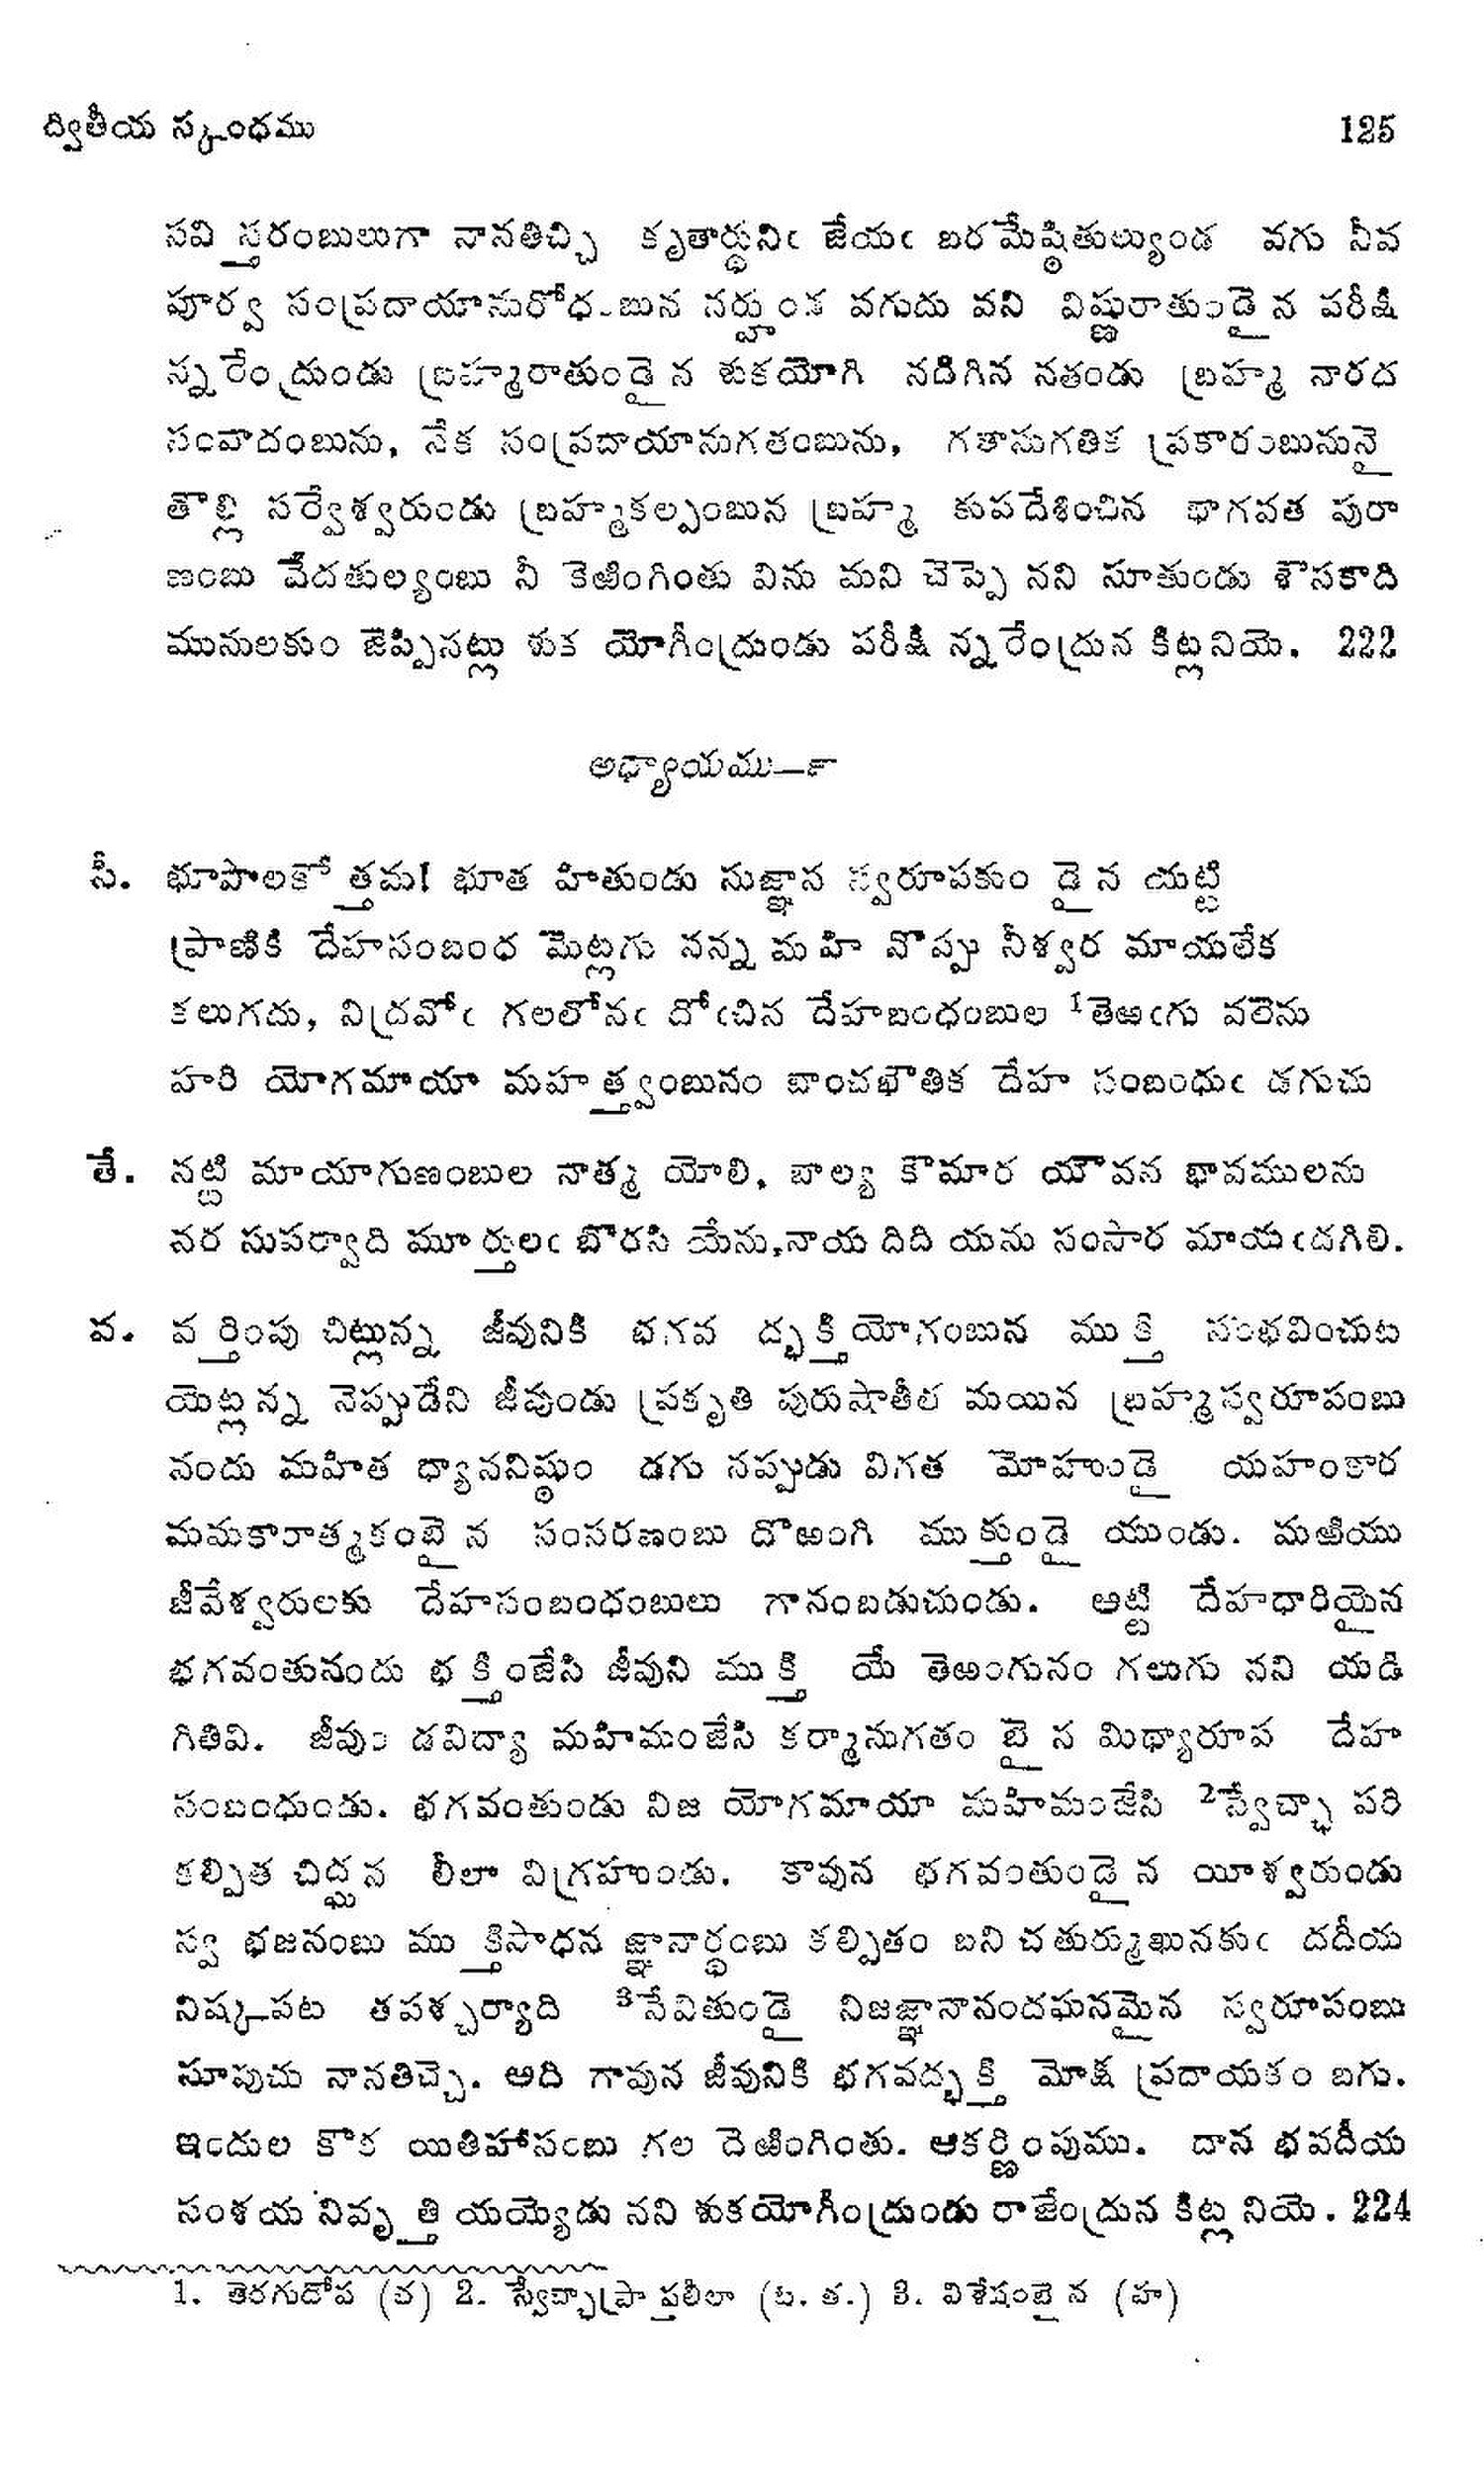125

సవిస్తరంబులుగా నానతిచ్చి కృతార్ధునిఁ జేయఁ బరమేష్ఠితుల్యుండ వగు నీవపూర్వ సంప్రదాయానురోధంబున నర్హుండ వగుదు వని 

విష్ణురాతుండైన పరీక్షిన్నరేంద్రుడు బ్రహ్మరాతుండైన శుకయోగి నడిగిన నతండు బ్రహ్మ నారద సంవాదంబును, నేక సంప్రదాయానుగతంబును, గతానుగతిక ప్రకారంబునునై తొల్లి సర్వేశ్వరుండు 

బ్రహ్మకల్పంబున బ్రహ్మ కుపదేశించిన భాగవత పురాణంబు వేదతుల్యంబు నీ కెఱింగింతు విను మని చెప్పెనని సూతుండు శౌనకాది మునులకుంజెప్పినట్లు శుక యోగీంద్రుండు పరీక్షి నారేంద్రున 

కిట్లనియె. ( 222 )

సీ. భూపాళకోత్తమ! భూతహితుండు సుజ్ఞాన స్వరూపకుం డైన యట్టి

ప్రాణికి దేహసంబంధ మెట్లగు నన్న మహి నొప్పు నీశ్వర మాయలేక

కలుగదు, నిద్రవోఁ గలలోనఁ దోఁచిన దేహబంధంబుల తెఱఁగు వలెను

హరి యోగమాయా మహత్త్వంబునం బాంచభౌతిక దేహ సంభంధుఁ డగుచు

తే. నట్టి మాయాగుణంబుల నాత్మ యోలి, బాల్య కౌమార యౌవన భావములనుఁ

నర సుపర్వాది మూర్తులఁ బొరసి యేను, నాయ దిది యను సంసార మాయదగిలి. (223)

వ. వర్తింపు చిట్లున్న జీవునికి భగవ ద్భక్తియోగంబున ముక్తి సంభవించుట యెట్లన్న నెప్పుడేని జీవుండు ప్రకృతి పురుషాతీత మయిన బ్రహ్మస్వరూపంబు నందు మహిత ధ్యాననిష్టుం డగు నప్పుడు 

విగత మోహుండై యహంకార మమకారాత్మ కంబైన సంసరణంబు దొఱంగి ముక్తుండై యుండు. మఱియు జీవేశ్వరులకు దేహసంబంధంబులు గానంబడుచుండు. అట్టి దేహధారియైన 

భగవంతునందు భక్తిం జేసి జీవుని ముక్తి యే తఱంగునం గలుగు నని యడిగితివి. జీవుం డవిద్యా మహిమంజేసి కర్మానుగతం బైన మిధ్యారూప దేహసంబంధుండు. భగవంతుండు నిజ 

యోగమాయా మహిమంజేసి స్వేచ్ఛా పరికల్పిత చిద్ఘన లీలా విగ్రహుండు. కావున భగవంతుండైన యీశ్వరుండు స్వ భజనంబు ముక్తిసాధన జ్ఞానార్దంబు కల్పితం బని చతుర్ముఖునకుఁ దదీయ 

నిష్కపట తపశ్చర్యాది సేవితుండై నిజజ్ఞానానందఘనమైన స్వరూపంబు సూపుచు నానతిచ్చె. అది గావున జీవునికి భగవద్భక్తి మోక్ష ప్రదాయకం బగు. ఇందుల కొక యితిహాసంబు గల దెఱింగింతు. 

ఆకర్ణింపుము. దాన భవదీయ సంశయ నివృత్తి యయ్యెడు నని శుకయోగీంద్రుడు రాజేంద్రున కిట్లనియె. (224)